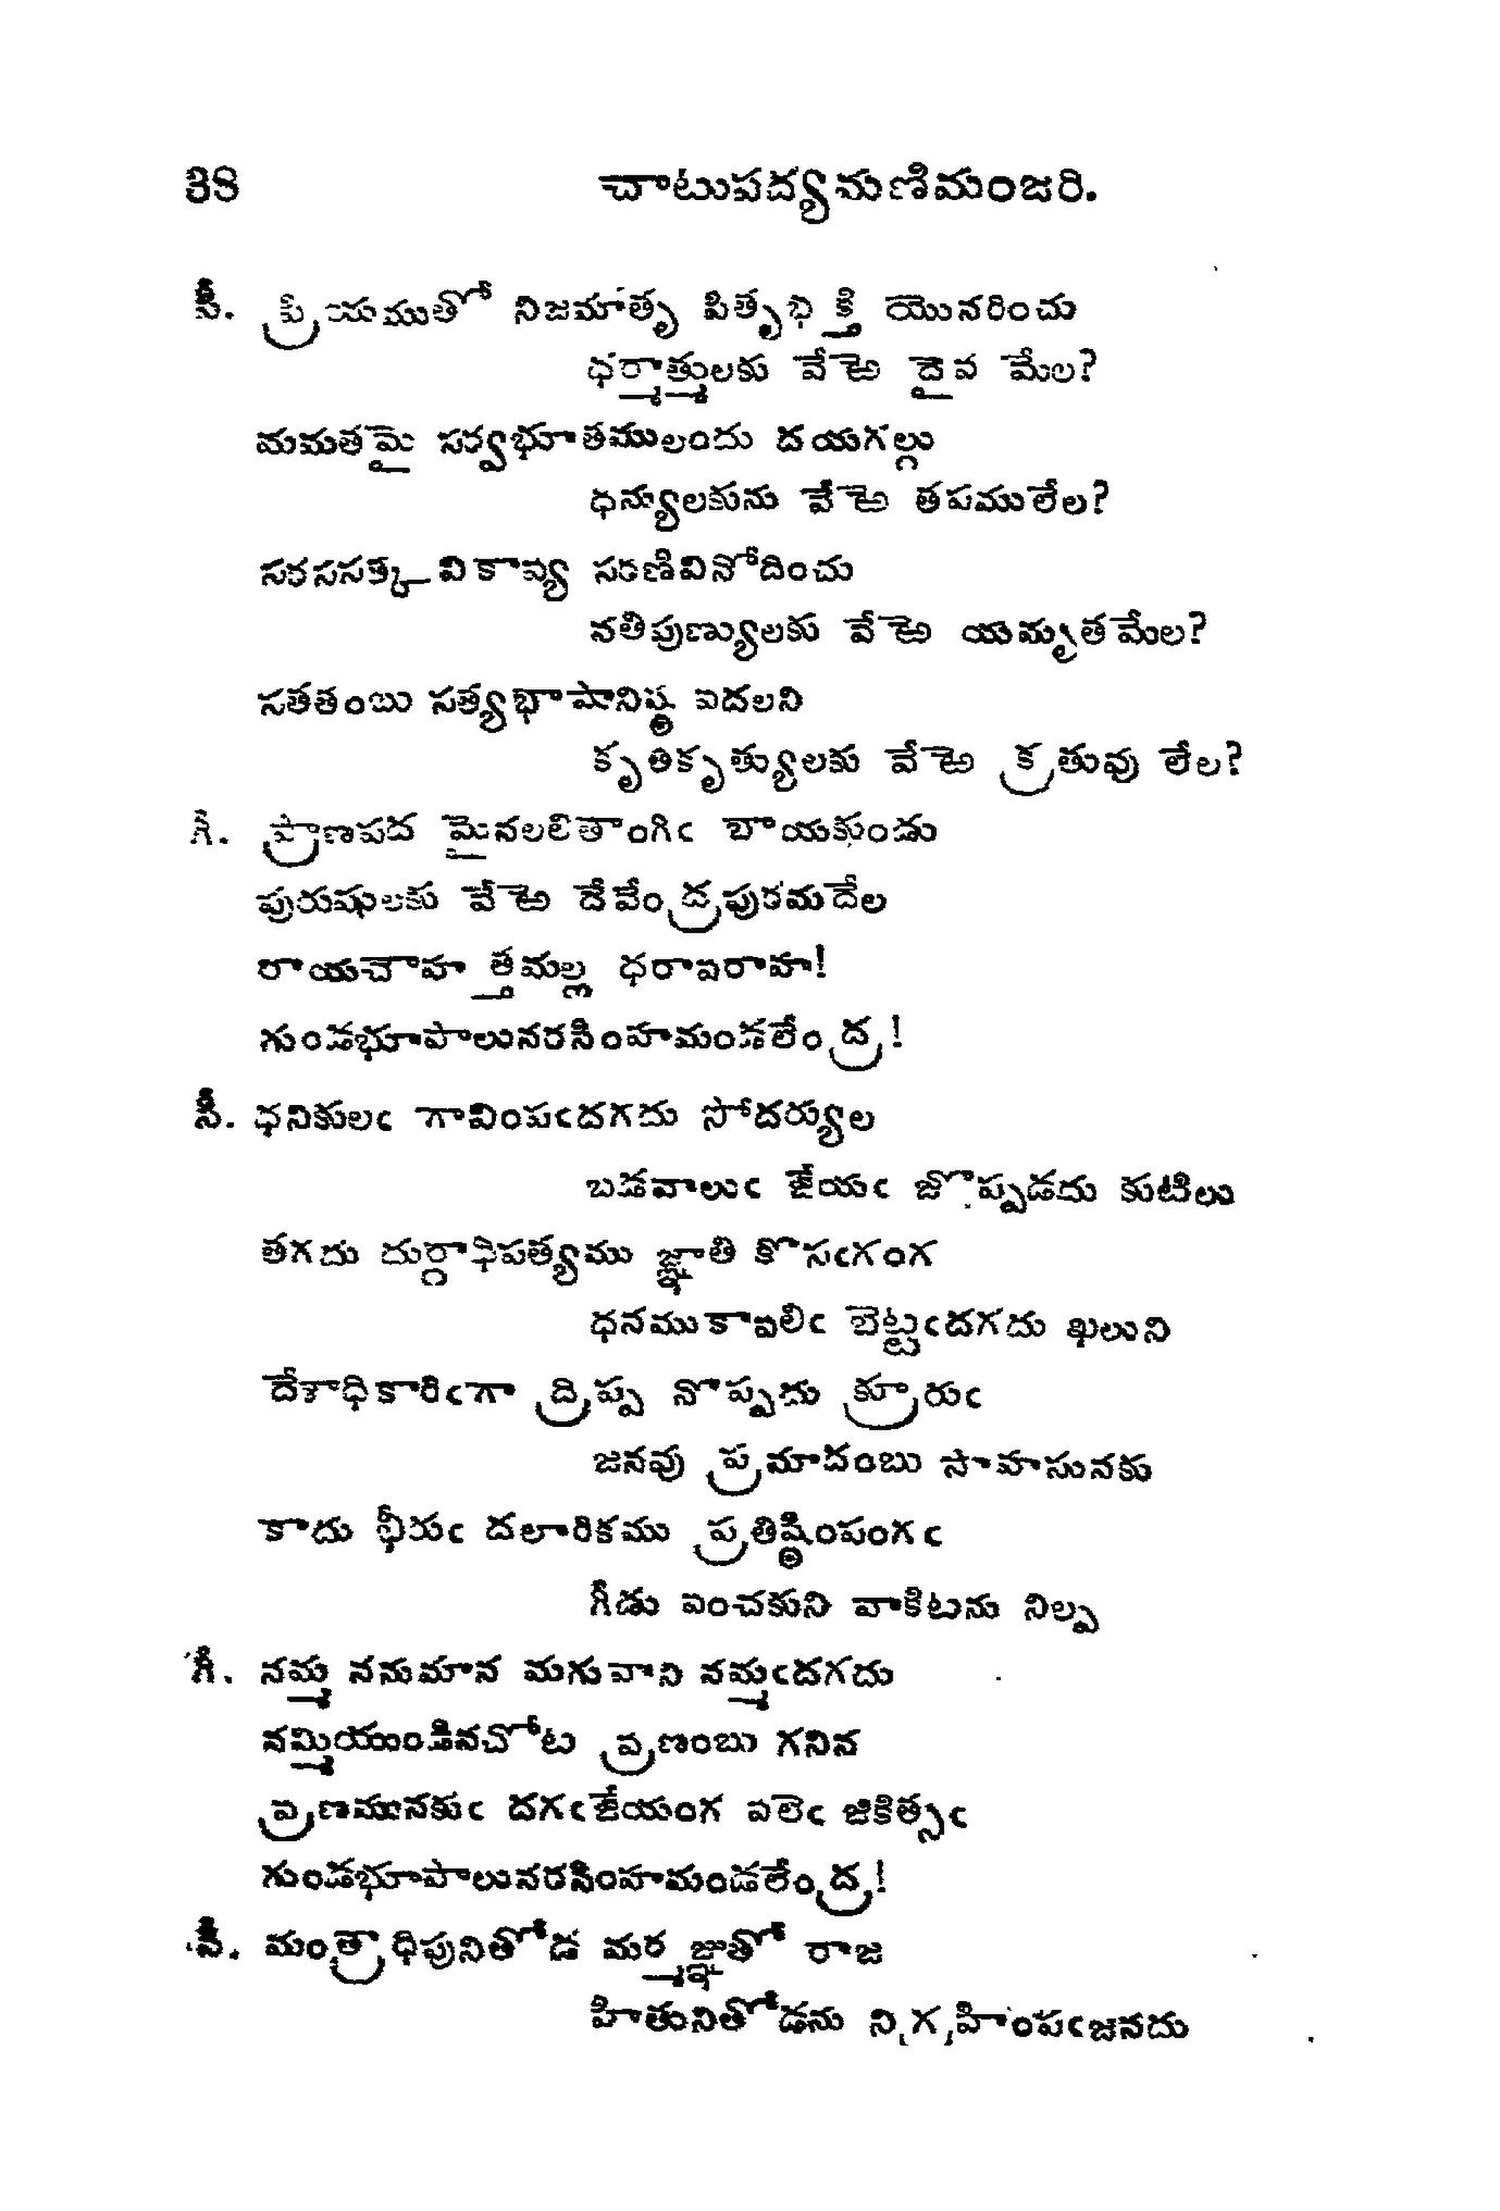సీ. ప్రియముతో నిజమాతృ పితృభక్తి యొనరించు
 ధర్మాత్ములకు వేఱె దైవ మేల?
 మమతమై సర్వభూతములందు దయగల్గు
 ధన్యులకును వేఱె తపము లేల?
 సరససత్కవికావ్యసరణి వినోదించు
 నతిపుణ్యులకు వేఱె యమృత మేల?
 సతతంబు సత్యభాషానిష్ఠ వదలని
 కృతకృత్యులకు వేఱె క్రతువు లేల?
గీ. ప్రాణప్రదమైన లలితాంగిఁ బాయకుండు
 పురుషులకు వేఱె దేవేంద్రపుర మదేల?
 రాయచౌహత్తమల్లధరావరాహ
 గుండభూపాలునరసింహమండలేంద్ర!
సీ. ధనికులఁ గావింపఁదగదు సోదర్యుల
 బడవాలుఁ జేయఁ జొప్పడదు కుటిలు
 తగదు దుర్గాధిపత్యము జ్ఞాతి కొసఁగంగ
 ధనము కావలిఁ బెట్టఁదగదు ఖలుని
 దేశాధికారిఁగాఁ ద్రిప్ప నొప్పదు క్రూరుఁ
 జనవు ప్రమాదంబు సాహసునకు
 కాదు భీరుఁ దలారికము ప్రతిష్ఠింపంగఁ
 గీడు వంచకుని వాకిటను నిల్ప
గీ. నమ్మ ననుమాన మగువాని నమ్మఁదగదు
 నమ్మియుండినచోట వ్రణంబు గనిన
 వ్రణమునకుఁ దగఁజేయంగ వలెఁ జికిత్సఁ
 గుండభూపాలునరసింహమండలేంద్ర!
సీ. మంత్రాధిపునితోడ మర్మజ్ఞుతో రాజ
 హితునితోడను నిగ్రహింపఁజనదు